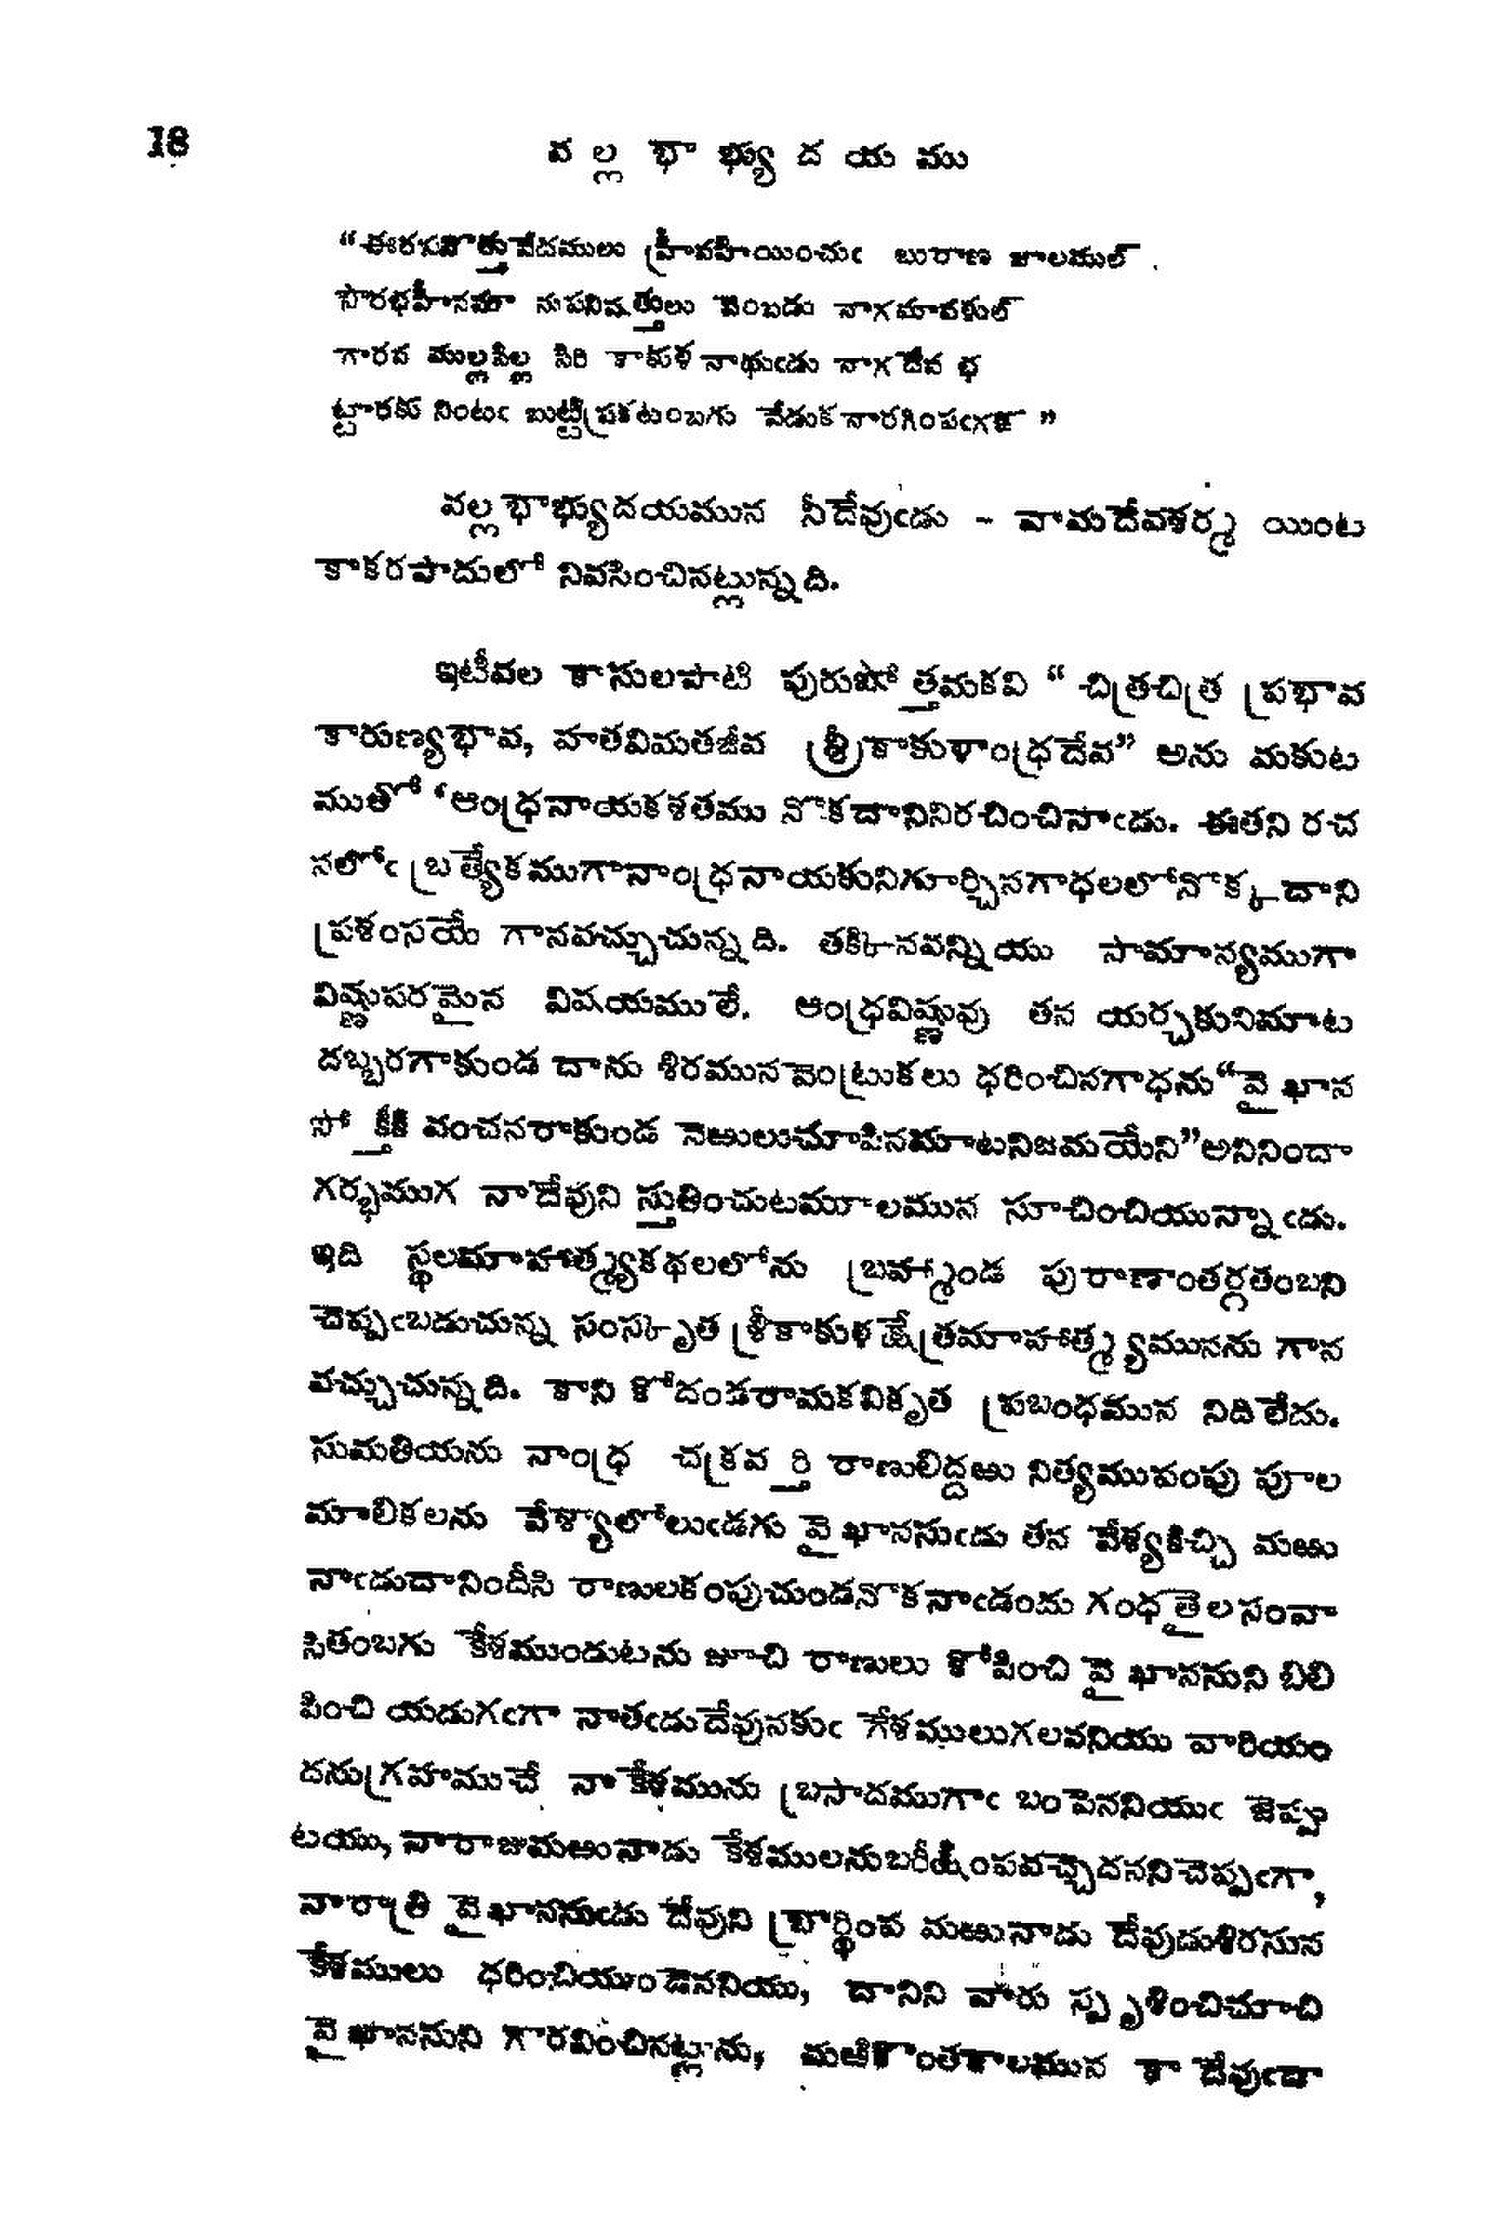"ఈరసవొత్తు వేదములు హ్రీవహియించుఁ బురాణ జూలముల్,
సౌరభహీనమా నుపనిషత్తులు వెంబడు నాగ మావళుల్
గారవ ముల్లసిల్ల సిరి కాకుళ నాథుఁడు నాగ దేవ భ
ట్టారకు నింటఁ బుట్టి ప్రకటంబగు వేడుక నారగింపఁగన్" 

వల్ల భాభ్యుదయమున నీ దేవుఁడు - వామదేవశర్మ యింట కాకరపాదులో నివసించినట్లున్నది.

ఇటీవల కాసులపాటి పురుషో త్తమకవి " చిత్రచిత్ర ప్రభావ కారుణ్య భావ, హతవిమతజీవ శ్రీకాకుళాంధ్రదేవ” అను మకుట
ముతో 'ఆంధ్రనాయక శతము నొకదానినిరచించినాఁడు. ఈతని రచసలోఁ బ్రత్యేకముగానాంధ్రనాయకునిగూర్చిన గాధలలోనొక్క దాని ప్రశంసయే గానవచ్చుచున్నది. తక్కినవన్నియు సామాన్యముగా విష్ణుపరమైన విషయములే. ఆంధ్రవిష్ణువు తన యర్చకుని మాట దబ్బరగాకుండ దాను శిరమున వెంట్రుకలు ధరించినగాధను “వైఖాన సోక్లీకి వంచనరాకుండ నెఱులు చూపిన మాటనిజమయేని"అనినిందా గర్భముగ నాదేవుని స్తుతించుటమూలమున సూచించి యున్నాఁడు. ఇది స్థలమాహాత్మ్యకథలలోను బ్రహ్మాండ పురాణాంతర్గతంబని చెప్పఁబడుచున్న సంస్కృత శ్రీకాకుళ క్షేత్రమాహాత్మ్యమునను గాన వచ్చుచున్నది. కాని కోదండరామకవికృత ప్రబంధమున నిదిలేదు. సుమతియను నాంధ్ర చక్రవర్తి రాణులిద్దఱు నిత్యముపంపు పూలమాలికలను వేశ్యాలోలుఁడగు వైఖానసుఁడు తన వేశ్యకిచ్చి మఱునాఁడు దానిందీసి రాణులకంపుచుండ నొక నాఁడందు గంధ తైల సంవా సితంబగు కేశముండుటను జూచి రాణులు కోపించి వైఖాననుని బిలి
పించి యడుగఁగా నాతఁడు దేవునకుఁ గోశములుగలవనియు వారియందనుగ్రహముచే నాకేశమును బ్రసాదముగాఁ బంపెననియుఁ జెప్పుటయు, నారాజు మఱునాడు కేశములను బరీక్షింపవచ్చెదనని చెప్పఁగా, నారాత్రి వైఖాననుఁడు దేవుని బ్రార్థింప మఱునాడు దేవుడు శిరసున కేశములు ధరించియుండెననియు, దానిని వారు స్పృశించిచూచి వైఖాననుని గౌరవించినట్లును, మఱికొంతకాలమున కా దేవుఁడా